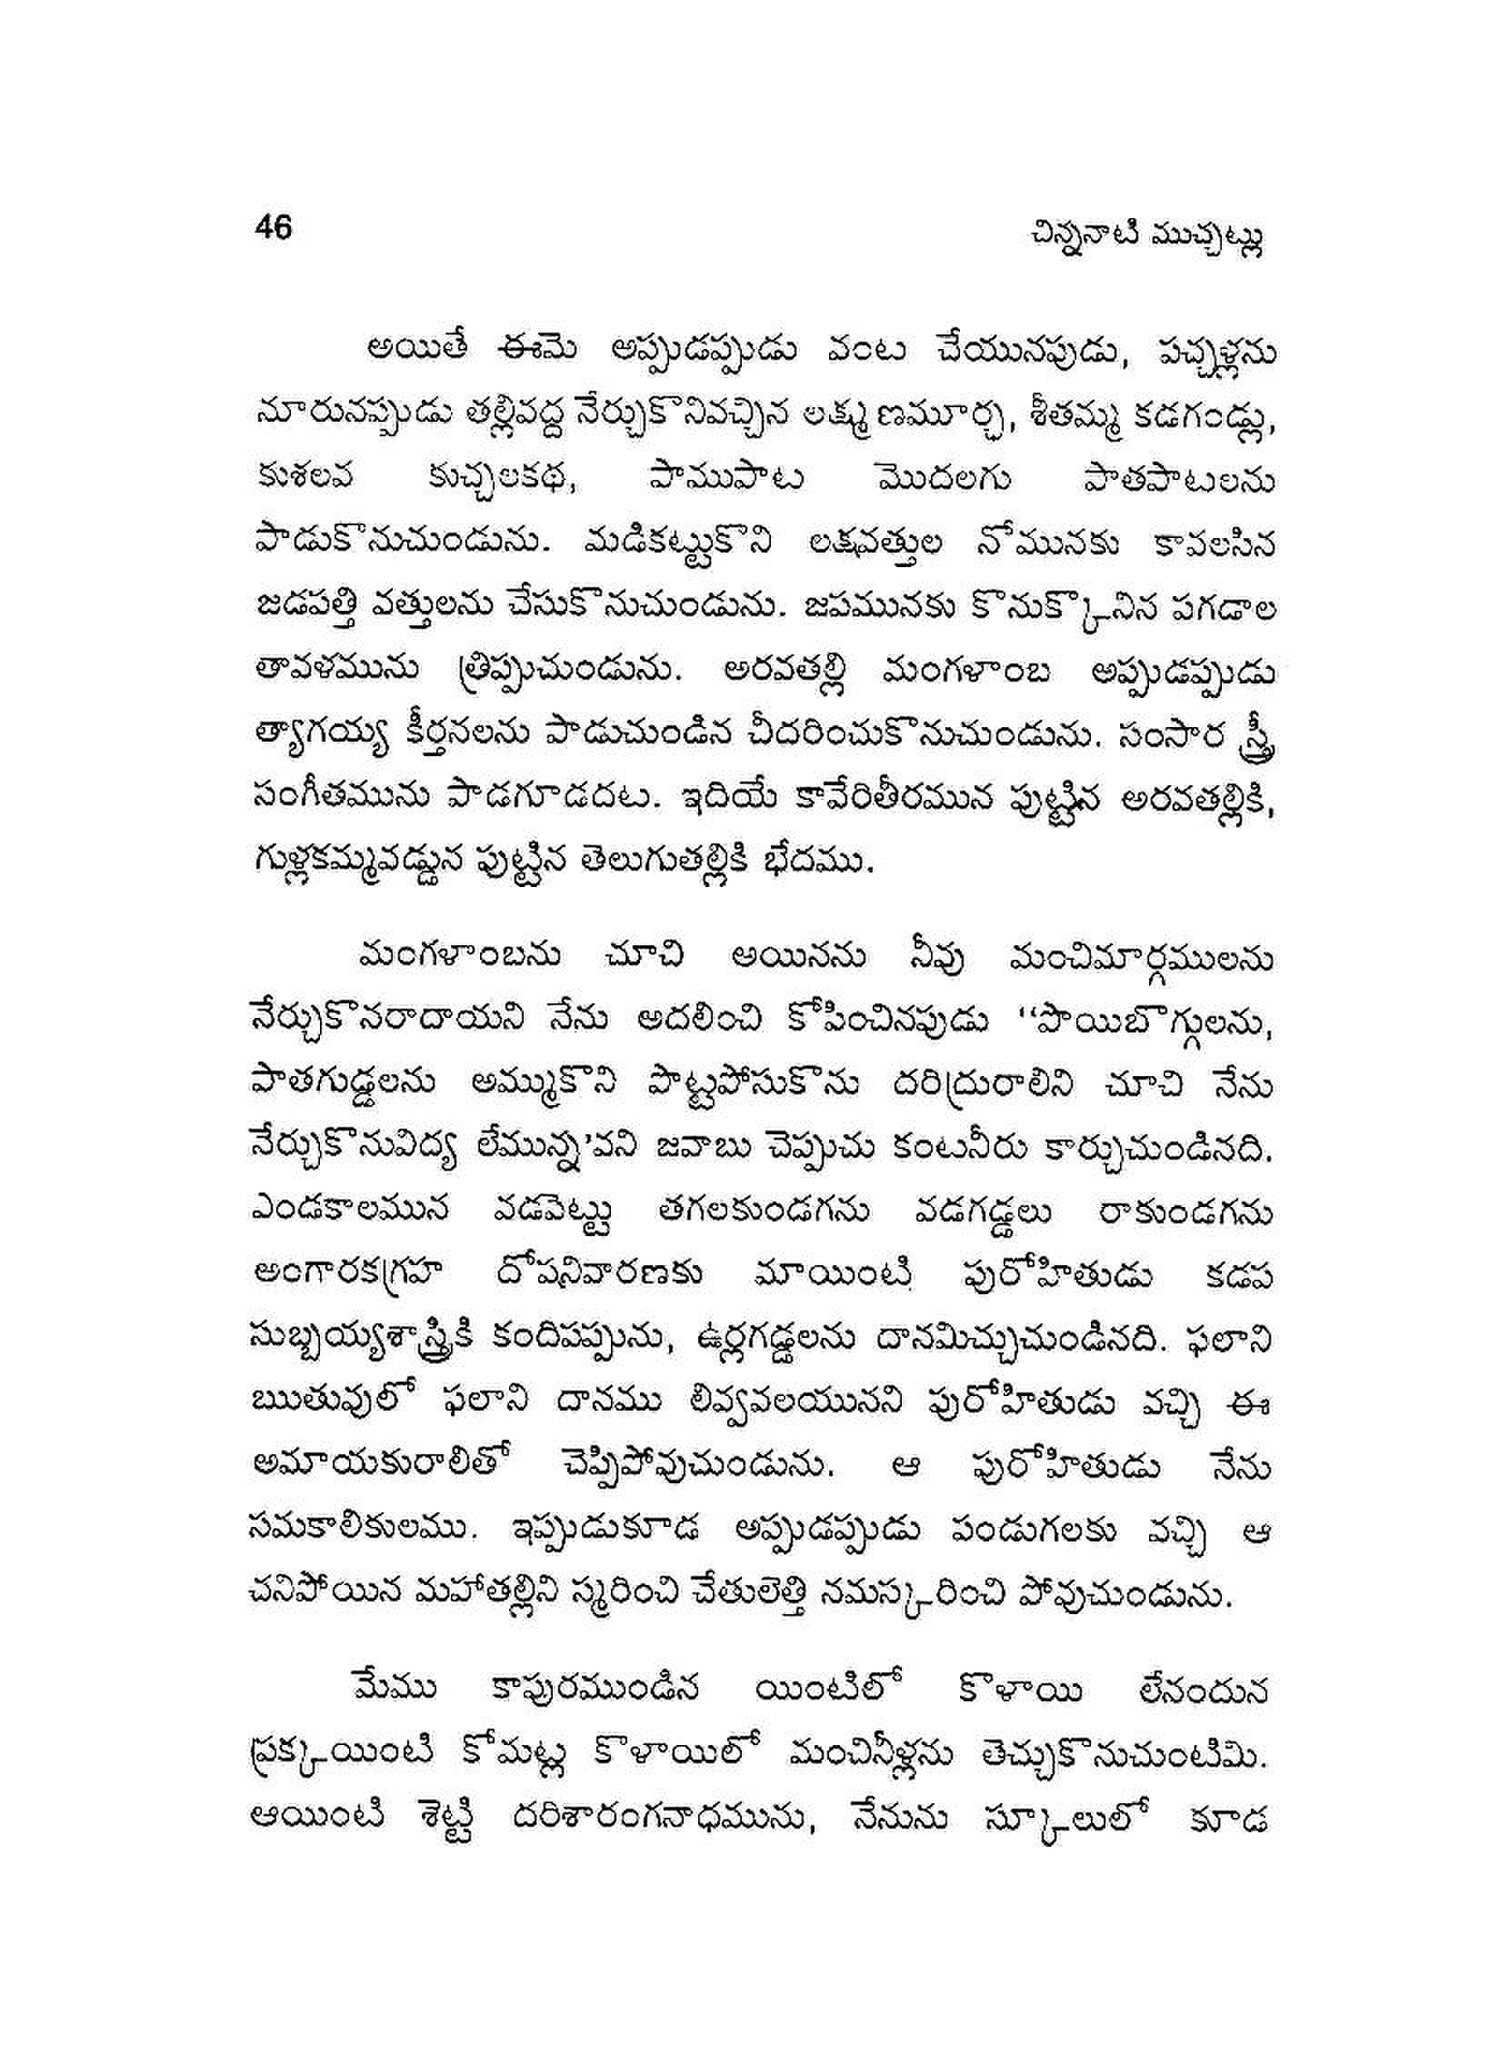అయితే ఈమె అప్పుడప్పుడు వంట చేయునపుడు, పచ్చళ్లను నూరునప్పుడు తల్లివద్ద నేర్చుకొనివచ్చిన లక్మణమూర్ఛ, శీతమ్మ కడగండ్లు, కుశలవ కుచ్చలకథ, పాముపాట మొదలగు పాతపాటలను పాడుకొనుచుండును. మడికట్టుకొని లక్షవత్తుల నోమునకు కావలసిన జడపత్తి వత్తులను చేసుకొనుచుండును. జపమునకు కొనుక్కొనిన పగడాల తావళమును త్రిప్పుచుండును. అరవతల్లి మంగళాంబ అప్పుడప్పుడు త్యాగయ్య కీర్తనలను పాడుచుండిన చీదరించుకొనుచుండును. సంసార స్త్రీ సంగీతమును పాడగూడదట. ఇదియే కావేరితీరమున పుట్టిన అరవతల్లికి, గుళ్లకమ్మవడ్డున పుట్టిన తెలుగుతల్లికి భేదము.

మంగళాంబను చూచి అయినను నీవు మంచిమార్గములను నేర్చుకొనరాదాయని నేను అదలించి కోపించినపుడు 'పొయిబొగ్గులను, పాతగుడ్డలను అమ్ముకొని పొట్టపోసుకొను దరిద్రురాలిని చూచి నేను నేర్చుకొనువిద్య లేమున్న'వని జవాబు చెప్పుచు కంటనీరు కార్చుచుండినది. ఎండకాలమున వడపెట్టు తగలకుండగను వడగడ్డలు రాకుండగను అంగారకగ్రహ దోషనివారణకు మాయింటి పురోహితుడు కడప సుబ్బయ్యశాస్త్రికి కందిపప్పును, ఉర్లగడ్డలను దానమిచ్చుచుండినది. ఫలాని ఋతువులో ఫలాని దానము లివ్వవలయునని పురోహితుడు వచ్చి ఈ అమాయకురాలితో చెప్పిపోవుచుండును. ఆ పురోహితుడు నేను సమకాలికులము. ఇప్పుడుకూడ అప్పుడప్పుడు పండుగలకు వచ్చి ఆ చనిపోయిన మహాతల్లిని స్మరించి చేతులెత్తి నమస్కరించి పోవుచుండును.

మేము కాపురముండిన యింటిలో కొళాయి లేనందున ప్రక్కయింటి కోమట్ల కొళాయిలో మంచినీళ్లను తెచ్చుకొనుచుంటిమి. ఆయింటి శెట్టి దరిశారంగనాధమును, నేనును స్కూలులో కూడ